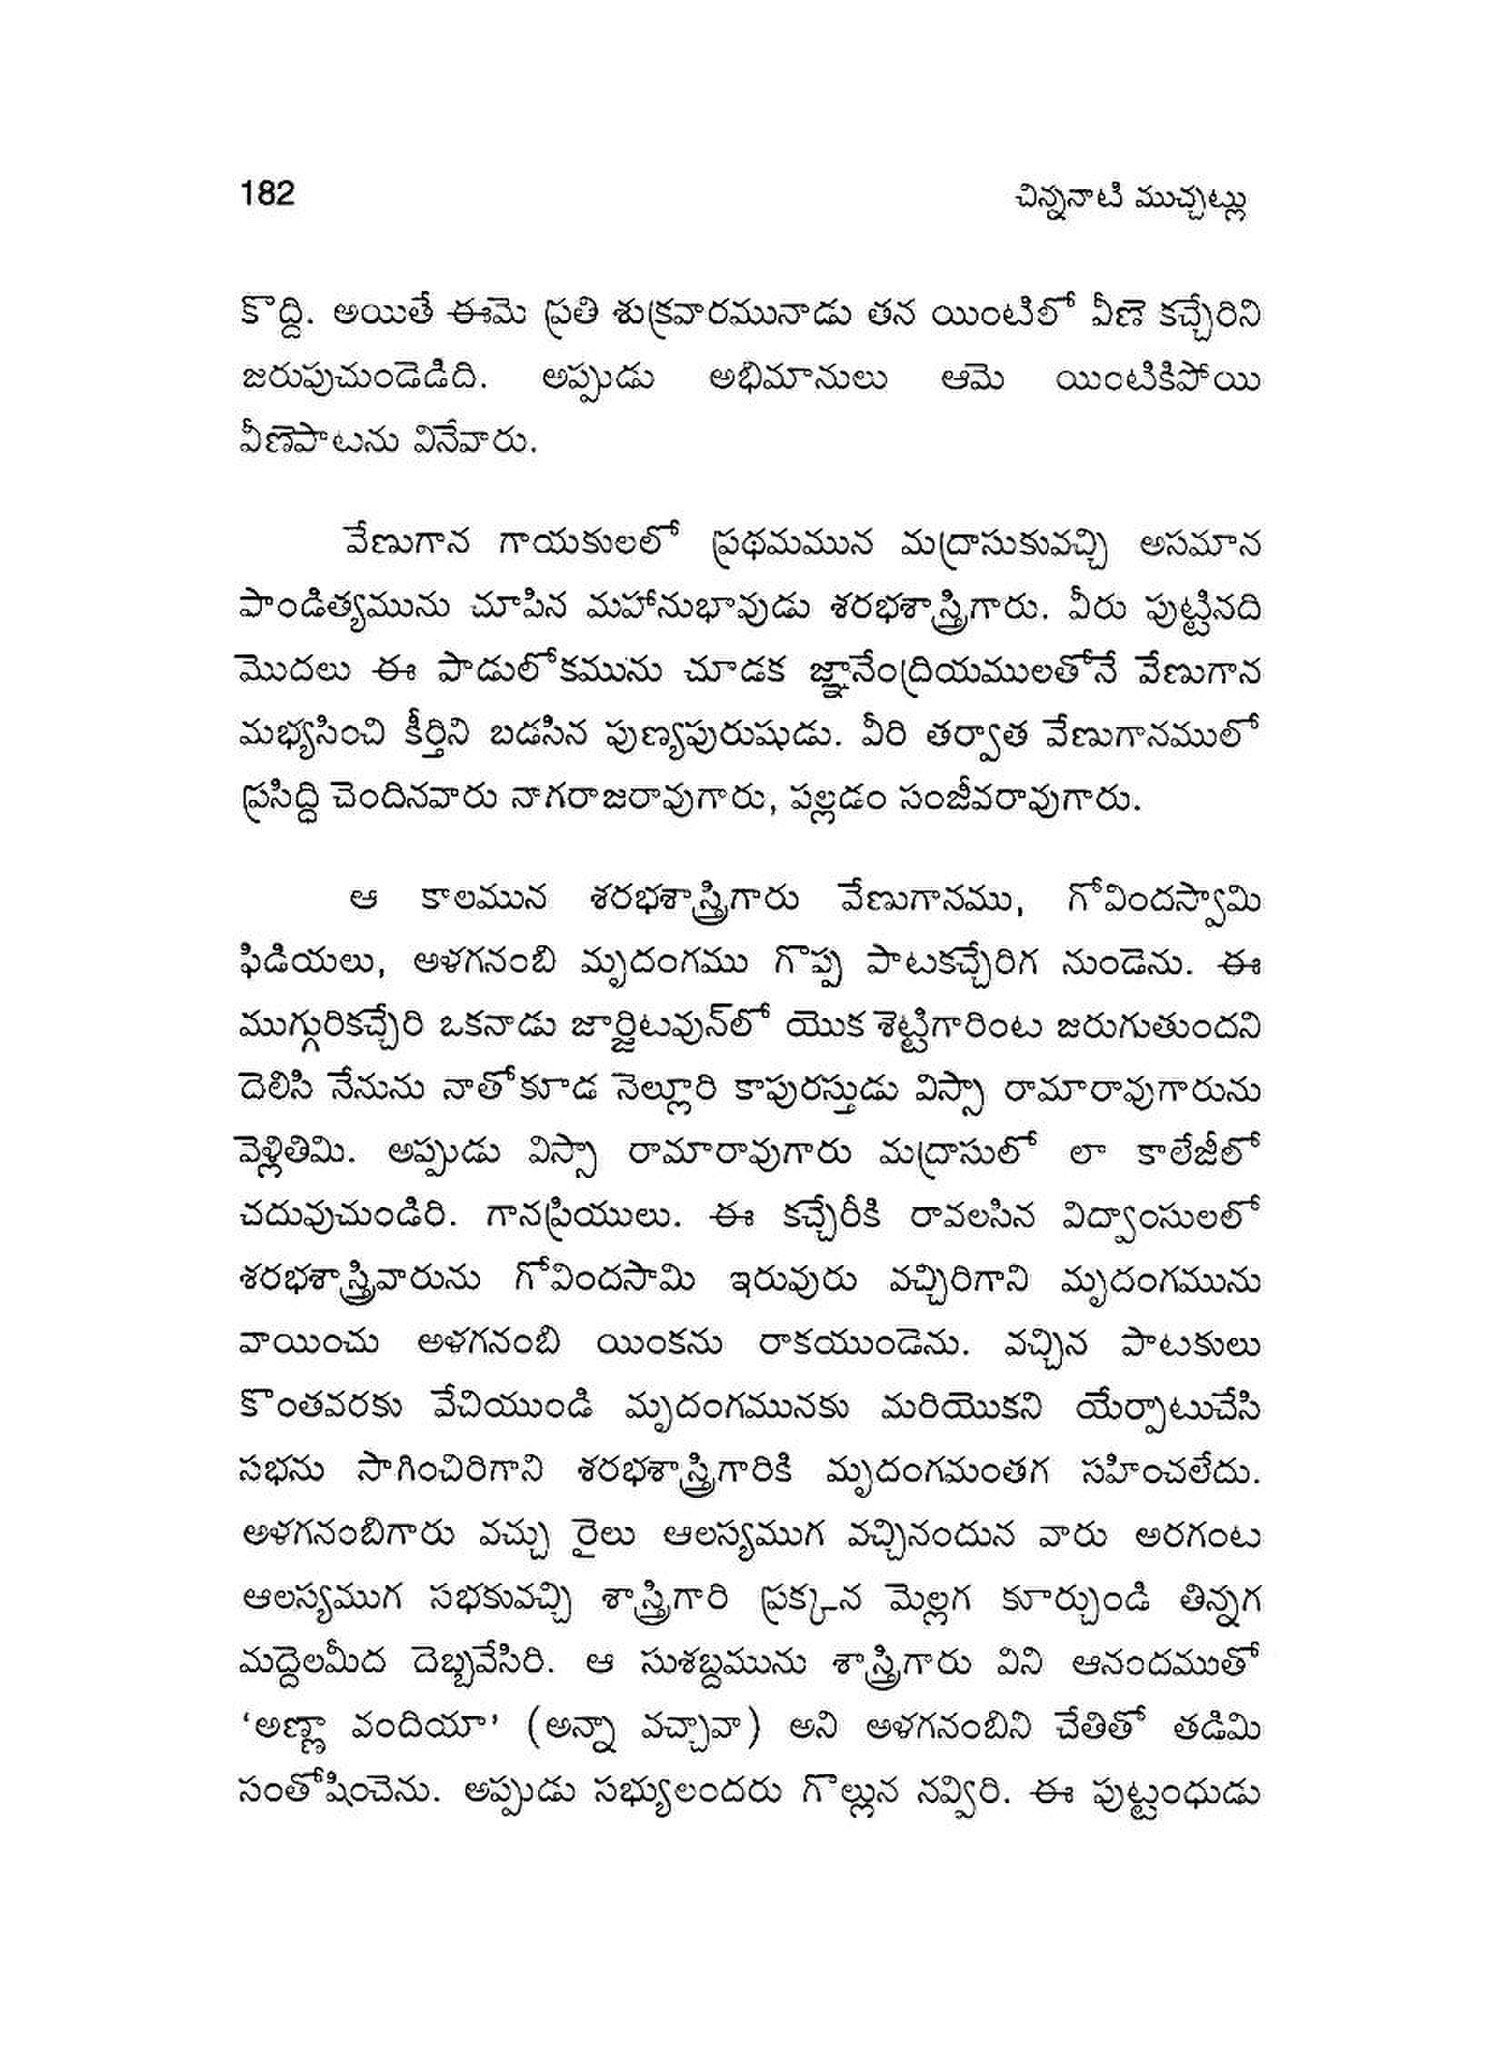కొద్ది. అయితే ఈమె ప్రతి శుక్రవారమునాడు తన యింటిలో వీణి కచ్చేరిని జరుపుచుండెడిది. అప్పడు అభిమానులు ఆమె యింటికిపోయి వీణపాటను వినేవారు.

వేణుగాన గాయకులలో ప్రథమమున మద్రాసుకువచ్చి అసమాన పాండిత్యమును చూపిన మహానుభావుడు శరభశాస్త్రిగారు. వీరు పుట్టినది మొదలు ఈ పాడులోకమును చూడక జ్ఞానేంద్రియములతోనే వేణుగాన మభ్యసించి కీర్తిని బడసిన పుణ్యపురుషుడు. వీరి తర్వాత వేణుగానములో ప్రసిద్ధి చెందినవారు నాగరాజరావుగారు, పల్లడం సంజీవరావుగారు.

ఆ కాలమున శరభశాస్త్రిగారు వేణుగానము, గోవిందస్వామి ఫిడియలు, అళగనంబి మృదంగము గొప్ప పాటకచ్చేరిగ నుండెను. ఈ ముగ్గురికచ్చేరి ఒకనాడు జార్జిటవున్లో యొక శెట్టిగారింట జరుగుతుందని దెలిసి నేనును నాతో కూడ నెల్లూరి కాపురస్తుడు విస్సా రామారావుగారును వెళ్లితిమి. అప్పడు విస్సా రామారావుగారు మద్రాసులో లా కాలేజీలో చదువుచుండిరి. గానప్రియులు. ఈ కచ్చేరీకి రావలసిన విద్వాంసులలో శరభశాస్త్రివారును గోవిందసామి ఇరువురు వచ్చిరిగాని మృదంగమును వాయించు అళగనంబి యింకను రాకయుండెను. వచ్చిన పాటకులు కొంతవరకు వేచియుండి మృదంగమునకు మరియొకని యేర్పాటుచేసి సభను సాగించిరిగాని శరభశాస్త్రిగారికి మృదంగమంతగ సహించలేదు. అళగనంబిగారు వచ్చు రైలు ఆలస్యముగ వచ్చినందున వారు అరగంట ఆలస్యముగ సభకువచ్చి శాస్త్రిగారి ప్రక్కన మెల్లగ కూర్చుండి తిన్నగ మద్దెలమీద దెబ్బవేసిరి. ఆ సుశబ్దమును శాస్త్రిగారు విని ఆనందముతో 'అణ్ణా వందియా' (అన్నా వచ్చావా) అని అళగనంబిని చేతితో తడిమి సంతోషించెను. అప్పడు సభ్యులందరు గొల్లున నవ్విరి. ఈ పుట్టంధుడు